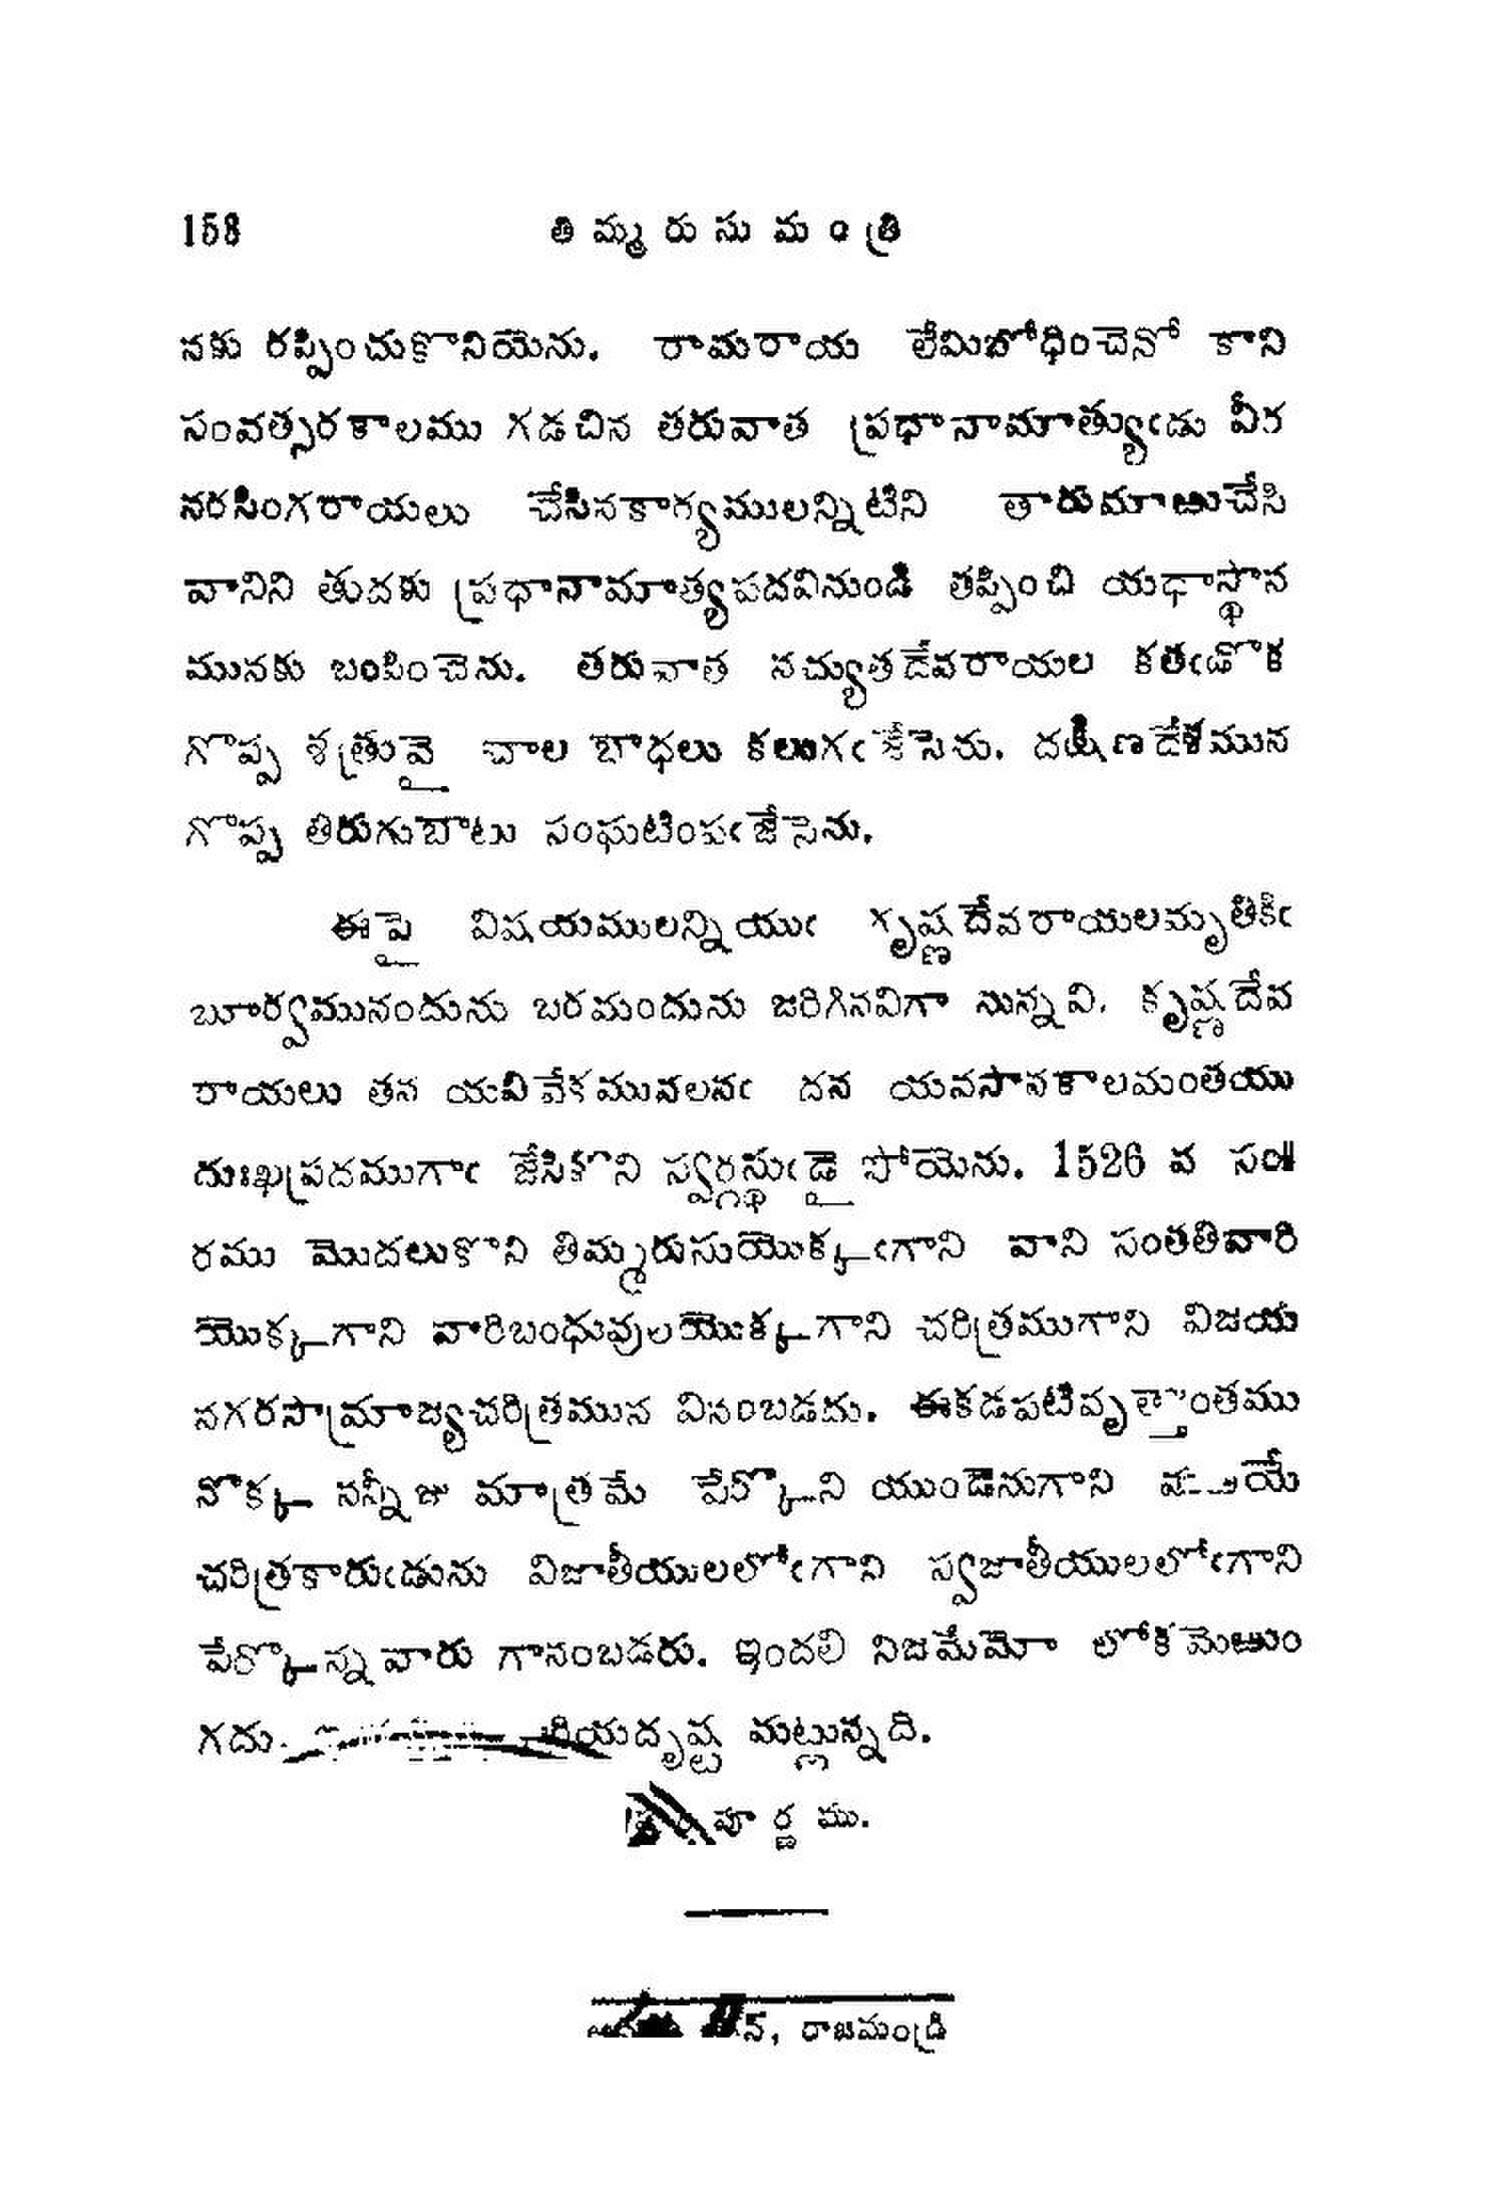నకు రప్పించుకొనియెను. రామరాయ లేమిబోధించెనో కాని సంవత్సరకాలము గడచిన తరువాత ప్రధానామాత్యుఁడు వీరనరసింగరాయలు చేసినకార్యములన్నిటిని తారుమాఱుచేసి వానిని తుదకు ప్రధానామాత్యపదవినుండి తప్పించి యథాస్థానమునకు బంపించెను. తరువాత నచ్యుతదేవరాయల కతఁడొక గొప్ప శత్రువై చాల బాధలు కలుగఁజేసెను. దక్షిణదేశమున గొప్ప తిరుగుబాటు సంఘటింపజేసెను.

ఈపై విషయములన్నియుఁ గృష్ణదేవరాయలమృతికిఁ బూర్వమునందును బరమందును జరిగినవిగా నున్నవి. కృష్ణదేవరాయలు తన యవివేకమువలనఁ దన యవసానకాలమంతయు దుఃఖప్రదముగాఁ జేసికొని స్వర్గస్థుఁడై పోయెను. 1526 వ సం|| రము మొదలుకొని తిమ్మరుసుయొక్కఁగాని వాని సంతతివారియొక్కగాని వారిబంధువులయొక్కగాని చరిత్రముగాని విజయనగరసామ్రాజ్యచరిత్రమున వినంబడదు. ఈకడపటి వృత్తాంతము నొక్క సన్నీజు మాత్రమే పేర్కొని యుండెనుగాని మఱియే చరిత్రకారుఁడును విజాతీయులలోఁగాని స్వజాతీయులలోఁగాని పేర్కొన్నవారు గానంబడరు. ఇందలి నిజమేమో లోక మెఱుంగదు. ... రియదృష్ట మట్లున్నది.

___________